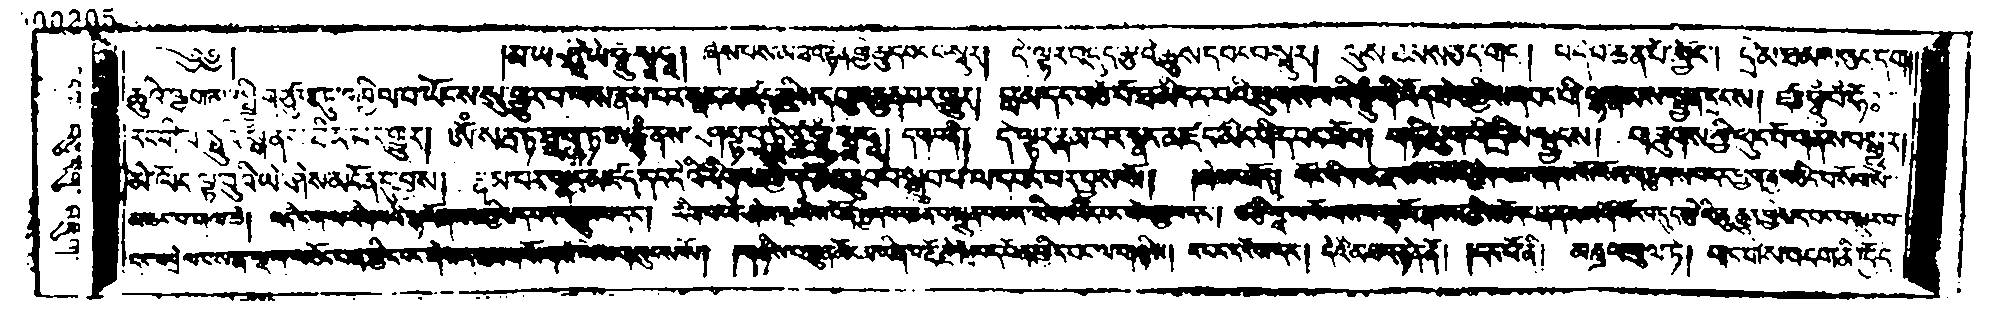༄༅། །མ་ཡ་ཤྲཱི་ཡེ་ཧཱུཾ་སྭཱཧཱ། ཞེས་པས་མཐའ་རྟེན་གྱི་ཆུ་དབང་བསྐུར།  དེ་ལྟར་བདུད་རྩིའི་ཆུས་དབང་བསྐུར། ལུས་ཐམས་ཅད་གང་། བདེ་བ་ཆེན་པོ་མྱོང་། དྲི་མ་ཐམས་ཅད་དག་
ཆུའི་ལྷག་མ་སྤྱི་གཙུག་ཏུ་འཁྱིལ་བ་ཡོངས་སུ་གྱུར་པ་ལས་རྣམ་པར་སྣང་མཛད་ཀྱིས་དབུ་བརྒྱན་པར་གྱུར། བླ་མ་དང་གཙོ་བོ་ཐ་མི་དད་པའི་ཐུགས་ཀའི་ཧཱུཾ་གི་འོད་ཟེར་གྱིས་དབང་གི་ལྷ་རྣམས་སྤྱན་དྲངས། ཛཿ ཧཱུཾ་བཾ་ཧོཿ
རང་གི་བ་སྤུའི་སྒོ་ནས་ཐིམ་པར་གྱུར། ཨོཾ་སརྦ་ཏ་ཐཱ་ག་ཏ་ཨརྒྷཾ་ནས་ཤཔྟ་པྲ་ཏཱི་ཙྪ་ཧཱུཾ་སྭཱ་ཧཱ། དག་པ་ནི། དེ་ལྟར་རྣམ་པར་སྣང་མཛད་མིང་གི་དབང་ཐོབ། གཏི་མུག་གི་དྲི་མ་སྤྱངས། གཟུགས་ཀྱི་ཕུང་པོ་གནས་བསྒྱུར།
མེ་ལོང་ལྟ་བུའི་ཡེ་ཤེས་མངོན་དུ་བྱས། རྣམ་པར་སྣང་མཛད་དང་དེའི་རིགས་ཀྱི་དངོས་གྲུབ་བསྒྲུབ་པ་ལ་དབང་བར་བྱས་སོ། །ཞེས་བརྗོད། གོང་གི་དབང་རྫས་སོ་སོའི་བྱེད་ལས་གནས་སོ་སོར་གཏུགས་པ་དང་ཕྱག་རྒྱ་བཅིང་བ་སོགས་
མ་ཆད་བ་གལ་ཆེ། འདི་དག་ལ་རིག་པའི་ལྷ་མོ་རྣམས་ཀྱིས་དབང་བསྐུར་བ་དང་། རིག་པ་ཡེ་ཤེས་ལྔའི་ས་བོན་ཁྱད་པར་ཅན་བསྐྲུན་པས་ན་རིག་པའི་དབང་ཞེས་བྱ་བ་དང་། ཙ་རྩི་ཀཱ་ལ་སོགས་པ་ལྷ་མོ་རྣམས་ཀྱིས་ཅོད་པན་ནམ་མགོ་བོར་བདུད་རྩིའི་ཆུ་རྒྱུན་གྱིས་དབང་བསྐུར་བ་
དང་འབྲེལ་བས་ན་ལྔ་ཀ་ལ་ཅོད་བན་གྱི་དབང་ཞེས་དགྲ་ནག་སོགས་ལས་གསུངས་སོ། །གཉིས་པ་ཐུན་མོང་མ་ཡིན་པ་རྡོ་རྗེ་སློབ་དཔོན་གྱི་དབང་ལ་གཉིས། དབང་དངོས་དང་། དེའི་མཐའ་རྟེན་ནོ། །དང་པོ་ནི། མཎྜལ་ཕུལ་ཏེ། གང་གིས་བདག་ནི་ཁྱོད་